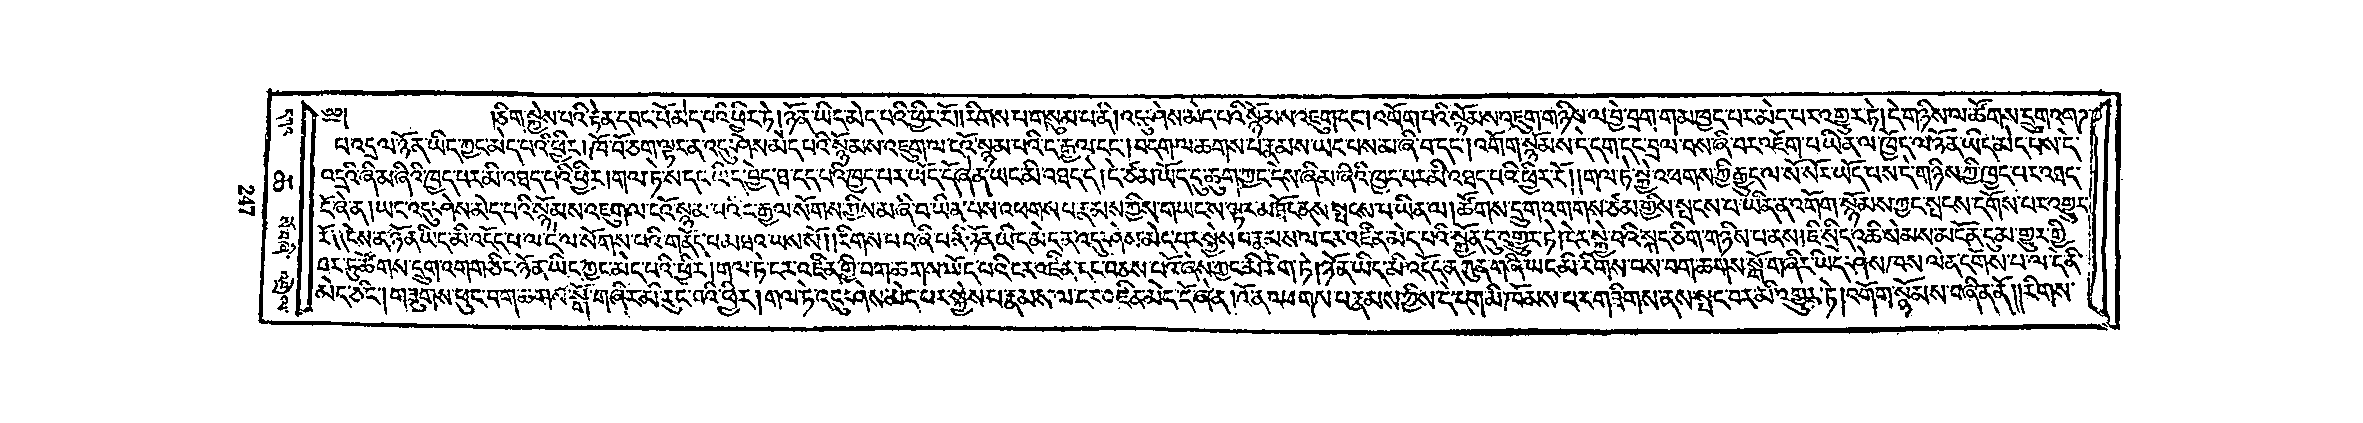༄༅། །ཅིག་སྐྱེས་པའི་རྟེན་དབང་པོ་མེད་པའི་ཕྱིར་ཏེ། ཉོན་ཡིད་མེད་པའི་ཕྱིར་རོ། །རིགས་པ་གསུམ་པ་ནི། འདུ་ཤེས་མེད་པའི་སྙོམས་འཇུག་དང་། འགོག་པའི་སྙོམས་འཇུག་གཉིས་ལ་བྱེ་བྲག་གམ་ཁྱད་པར་མེད་པར་འགྱུར་ཏེ། དེ་གཉིས་ལ་ཚོགས་དྲུག་འགགས་
པ་འདྲ་ལ་ཉོན་ཡིད་ཀྱང་མེད་པའི་ཕྱིར། ཁོ་བོ་ཅག་ལྟར་ན་འདུ་ཤེས་མེད་པའི་སྙོམས་འཇུག་ལ་ངའོ་སྙམ་པའི་ང་རྒྱལ་དང་། བདག་ལ་ཆགས་པ་རྣམས་ཡང་པས་མ་ཞི་བ་དང་། འགོག་སྙོམས་དེ་དག་དང་བྲལ་བས་ཞི་བར་འཇོག་པ་ཡིན་ལ་ཁྱོད་ལ་ཉོན་ཡིད་མེད་པས་དེ་
འདྲའི་ཞི་མ་ཞིའི་ཁྱད་པར་མི་འཐད་པའི་ཕྱིར། གལ་ཏེ་ས་དང་ཡིད་བྱེད་ཐ་དད་པའི་ཁྱད་པར་ཡོད་དོ་ཞེ་ན་ཡང་མི་འཐད་དེ། དེ་ཙམ་ཡོད་དུ་ཆུག་ཀྱང་དེས་ཞི་མ་ཞིའི་ཁྱད་པར་མི་འཐད་པའི་ཕྱིར་རོ། །གལ་ཏེ་སྐྱེ་འཕགས་ཀྱི་རྒྱུད་ལ་སོ་སོར་ཡོད་པས་དེ་གཉིས་ཀྱི་ཁྱད་པར་འཐད་
ངོ་ཞེ་ན། ཡང་འདུ་ཤེས་མེད་པའི་སྙོམས་འཇུག་ལ་ངའོ་སྙམ་པའི་ང་རྒྱལ་སོགས་ཀྱིས་མ་ཞི་བ་ཡིན་པས་འཕགས་པ་རྣམས་ཀྱིས་གཡང་ས་ལྟར་མཐོང་ནས་སྤངས་པ་ཡིན་ལ། ཚོགས་དྲུག་འགགས་ཙམ་གྱིས་སྤངས་པ་ཡིན་ན་འགོག་སྙོམས་ཀྱང་སྤངས་དགོས་པར་འགྱུར་
རོ། །དེས་ན་ཉོན་ཡིད་མི་འདོད་པ་ལ་དེ་ལ་སོགས་པའི་གནོད་པ་མཐའ་ཡས་སོ། །རིགས་པ་བཞི་པ་ནི་ཉོན་ཡིད་མེད་ན་འདུ་ཤེས་མེད་པར་སྐྱེས་པ་རྣམས་ལ་ངར་འཛིན་མེད་པའི་སྐྱོན་དུ་འགྱུར་ཏེ། དེར་སྐྱེ་བའི་སྐད་ཅིག་གཉིས་པ་ནས། ཇི་སྲིད་འཆི་སེམས་མངོན་དུ་མ་གྱུར་གྱི་
བར་ཏུ་ཚོགས་དྲུག་འགག་ཅིང་ཉོན་ཡིད་ཀྱང་མེད་པའི་ཕྱིར། གལ་ཏེ་ངར་འཛིན་གྱི་བག་ཆགས་ཡོད་པའི་ངར་འཛིན་དང་བཅས་པའོ་ཞེས་ཀྱང་མི་རིག་ཏེ། ཉོན་ཡིད་མི་འདོད་ན་ཀུན་གཞི་ཡང་མི་རིགས་པས་བག་ཆགས་སྒོ་གཞིར་ཡིད་ཤེས་ཁས་ལེན་དགོས་པ་ལ་དེ་ནི་
མེད་ཅིང་། གཟུགས་ཕུང་བག་ཆགས་སྒོ་གཞིར་མི་རུང་བའི་ཕྱིར། གལ་ཏེ་འདུ་ཤེས་མེད་པར་སྐྱེས་པ་རྣམས་ལ་ངར་འཛིན་མེད་དོ་ཞེ་ན། འོ་ན་འཕགས་པ་རྣམས་ཀྱིས་དེ་དག་མི་ཁོམས་པར་གཟིགས་ནས་སྤང་བར་མི་འགྱུར་ཏེ། འགོག་སྙོམས་བཞིན་ནོ། །རིགས་